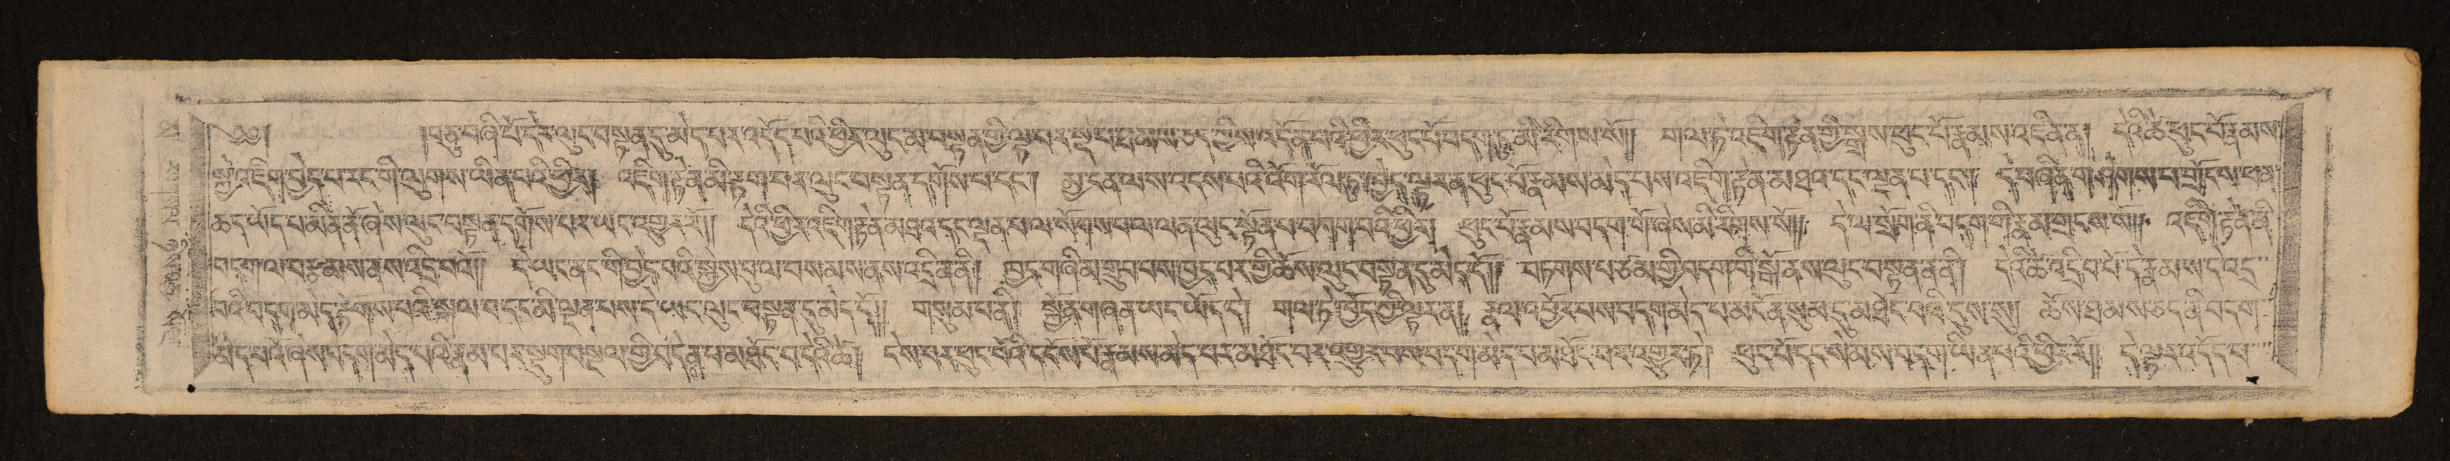༄༅། །བཅུ་བཞི་པོ་དེར་ལུང་བསྟན་དུ་མེད་པར་འདོད་པའི་ཕྱིར་ལུང་མ་བསྟན་གྱི་ལྟ་བར་སྡེ་པ་ཐམས་ཅད་ཀྱིས་འདོན་པའི་ཕྱིར་ཕུང་པོ་བདག་ཏུ་མི་རིགས་སོ།། གལ་ཏེ་འཇིག་རྟེན་གྱི་སྒྲས་ཕུང་པོ་རྣམས་འཛིན་ན། དེའི་ཚེ་ཕུང་པོ་རྣམས་
སྐྱེ་འཇིག་བྱེད་པ་རང་གི་ལུགས་ཡིན་པའི་ཕྱིར། འཇིག་རྟེན་མི་རྟག་པར་ལུང་བསྟན་དགོས་པ་དང་། མྱ་ངན་ལས་འདས་པའི་འོག་རོལ་ཏུ་ཁྱེད་ལྟར་ན་ཕུང་པོ་རྣམས་མེད་པས་འཇིག་རྟེན་མཐའ་དང་ལྡན་པ་དང་། དེ་བཞིན་གཤེགས་པ་གྲོངས་ཕན་
ཆད་ཡོད་པ་མིན་ནོ་ཞེས་ལུང་བསྟན་དགོས་པར་ཡང་འགྱུར་རོ།། དེའི་ཕྱིར་འཇིག་རྟེན་མཐའ་དང་ལྡན་པ་ལ་སོགས་པ་ལ་ལན་ལུང་སྟོན་པ་བཀག་པའི་ཕྱིར། ཕུང་པོ་རྣམས་བདག་གོ་ཞེས་མི་རིགས་སོ།། དེ་ལ་སྲོག་ནི་བདག་གི་རྣམ་གྲངས་སོ།། འཇིག་རྟེན་ནི་
བདག་ལ་བརྩམས་ནས་འདྲི་བའོ།། དེ་ཡང་ནང་གི་བྱེད་པའི་སྐྱེས་བུ་ལ་བསམས་ནས་འདྲི་ན་ནི། ཁྱད་གཞི་མ་གྲུབ་པས་ཁྱད་པར་གྱི་ཆོས་ལུང་བསྟན་དུ་མེད་དོ།། བཏགས་པ་ཙམ་གྱི་བདག་གི་སྒོ་ནས་ལུང་བསྟན་ན་ནི། དེའི་ཚེ་འདྲི་བ་པོ་དེ་རྣམས་དེ་འདྲ་
བའི་བདག་མེད་རྟོགས་པའི་སྐལ་བ་དང་མི་ལྡན་པས་དེ་ཡང་ལུང་བསྟན་དུ་མེད་དོ།། གསུམ་པ་ནི། སྐྱོན་གཞན་ཡང་ཡོད་དེ། གལ་ཏེ་ཁྱོད་ཀྱི་ལྟར་ན། རྣལ་འབྱོར་པས་བདག་མེད་པ་མངོན་སུམ་དུ་མཐོང་བའི་དུས་སུ། ཆོས་ཐམས་ཅད་ནི་བདག་
མེད་པའོ་ཞེས་བདག་མེད་པའི་རྣམ་པར་སྡུག་བསྔལ་གྱི་བདེན་པ་མཐོང་བ་དེའི་ཚེ། ངེས་པར་ཕུང་པོའི་དངོས་པོ་རྣམས་མེད་པར་མཐོང་བར་འགྱུར་བས་བདག་མེད་པ་མཐོང་བར་འགྱུར་ཏེ། ཕུང་པོ་དང་སེམས་བདག་ཡིན་པའི་ཕྱིར་རོ།། དེ་ལྟར་འདོད་པ་